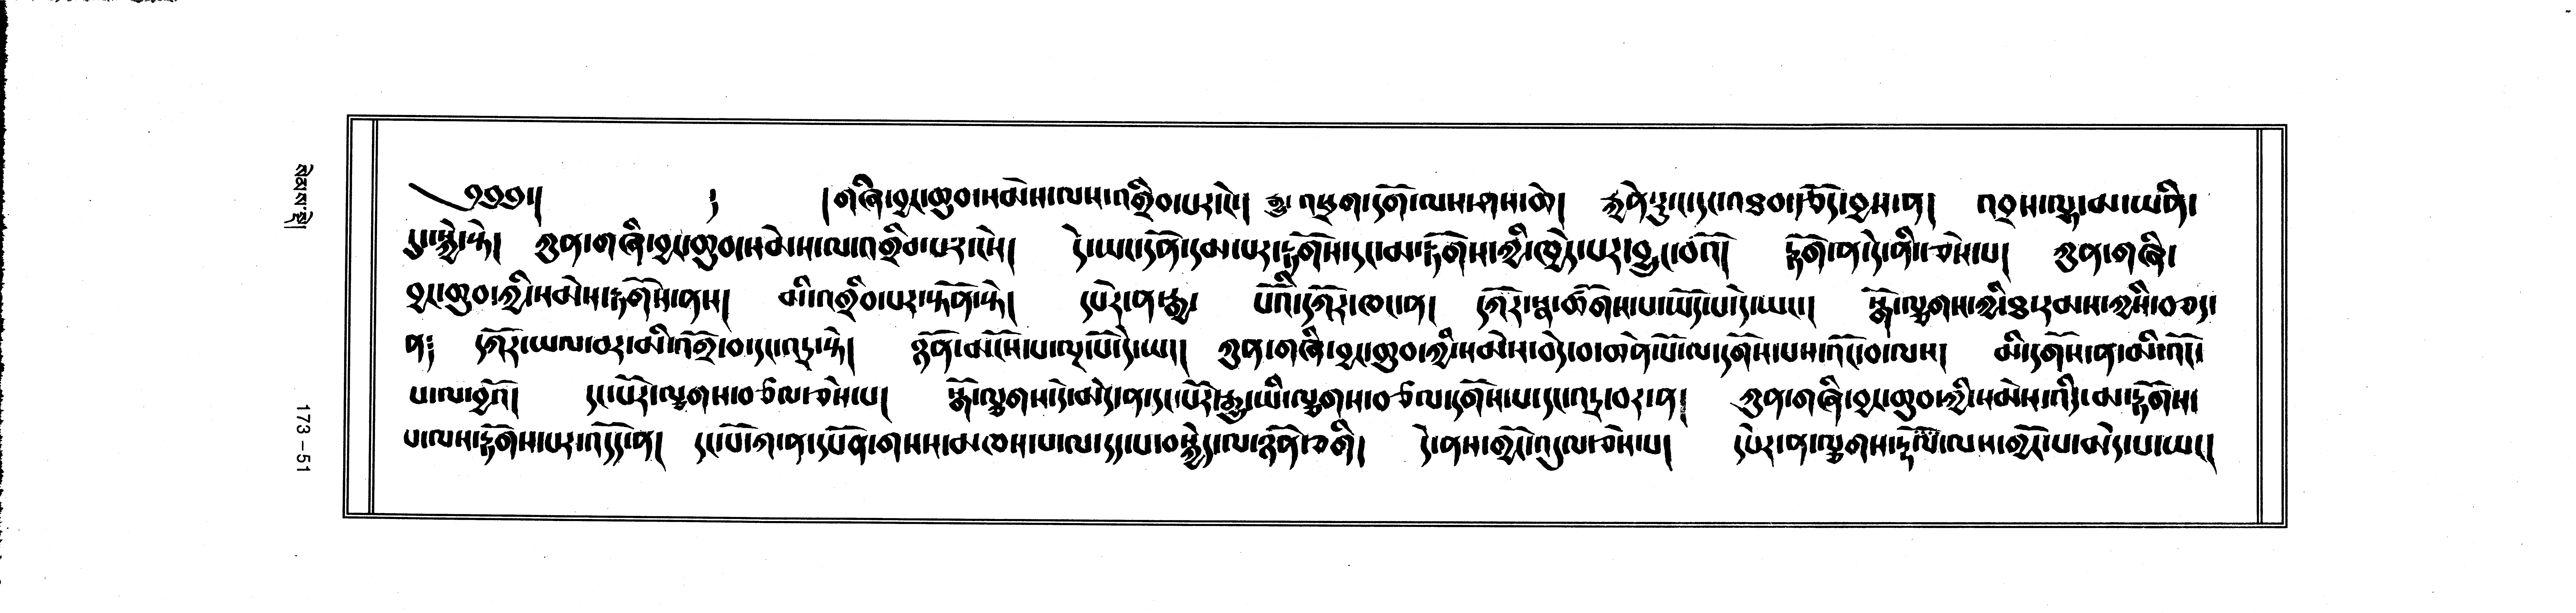གཞི་བྱང་ཆུབ་ཀྱི་སེམས་ལ་འགྲིབ་པར་ངེས། རྒྱུ་ཕྲག་དོག་ལས་ཤས་ཆེ། རྐྱེན་རུ་ང་དང་འཐབ་རྩོད་བྱས་ན། འབྲས་བུ་ལྷ་མ་ཡིན་
ཏུ་སྐྱེ་སྟེ། ཀུན་གཞི་བྱང་ཆུབ་ཀྱི་སེམས་ལ་འགྲིབ་པར་ངེས། དེ་ཡང་དོན་དམ་པར་རྟོགས་དང་མ་རྟོགས་ཀྱི་ཁྱད་པར་བྱུང་བའོ། །རྟོགས་ན་དེ་ནི་ཅེས་པ། ཀུན་གཞི་
བྱང་ཆུབ་ཀྱི་སེམས་རྟོགས་ནས། མི་འགྲིབ་པར་སྟོན་ཏེ། དཔེར་ན་རྒྱལ་པོའི་དཀོར་ཁང་ན། དཀོར་སྣ་ཚོགས་པ་ཡོད་པ་དེ་ཡང་། སྒོ་ལྕགས་ཀྱི་ཐ་རམ་གྱི་བཅད་
ན། དཀོར་ཡལ་བར་མི་འགྲོ་བ་དང་འདྲ་སྟེ། ཉོན་མོངས་པ་ལྔ་པོ་དེ་ཡང་། ཀུན་གཞི་བྱང་ཆུབ་ཀྱི་སེམས་བདེ་བ་ཆེན་པོ་ལ་དགོས་པས་འོང་བ་ལས། མི་དགོས་ན་མི་འོང་
བ་ལ་བྱའོ། །དང་པོར་ལྕགས་བཙལ་ཅེས་པ། སྒོ་ལྕགས་དེ་མེད་ན་དང་པོར་རྒྱུ་ཡི་ལྕགས་བཙལ་དགོས་པ་དང་འདྲ་བར་ན། ཀུན་གཞི་བྱང་ཆུབ་ཀྱི་སེམས་འདི་མ་རྟོགས་
པར་འདོད་ན། དང་པོ་ཀ་ན་དཔོན་གསས་མཁས་པ་ལ་དད་པ་བསྐྱེད་ལ་ཉོན་ཅིག དེ་ནས་གྱོང་འདུལ་ཅེས་པ། དཔེར་ན་ལྕགས་རྡོ་ལས་གྱོང་པ་མེད་པ་ཡང་